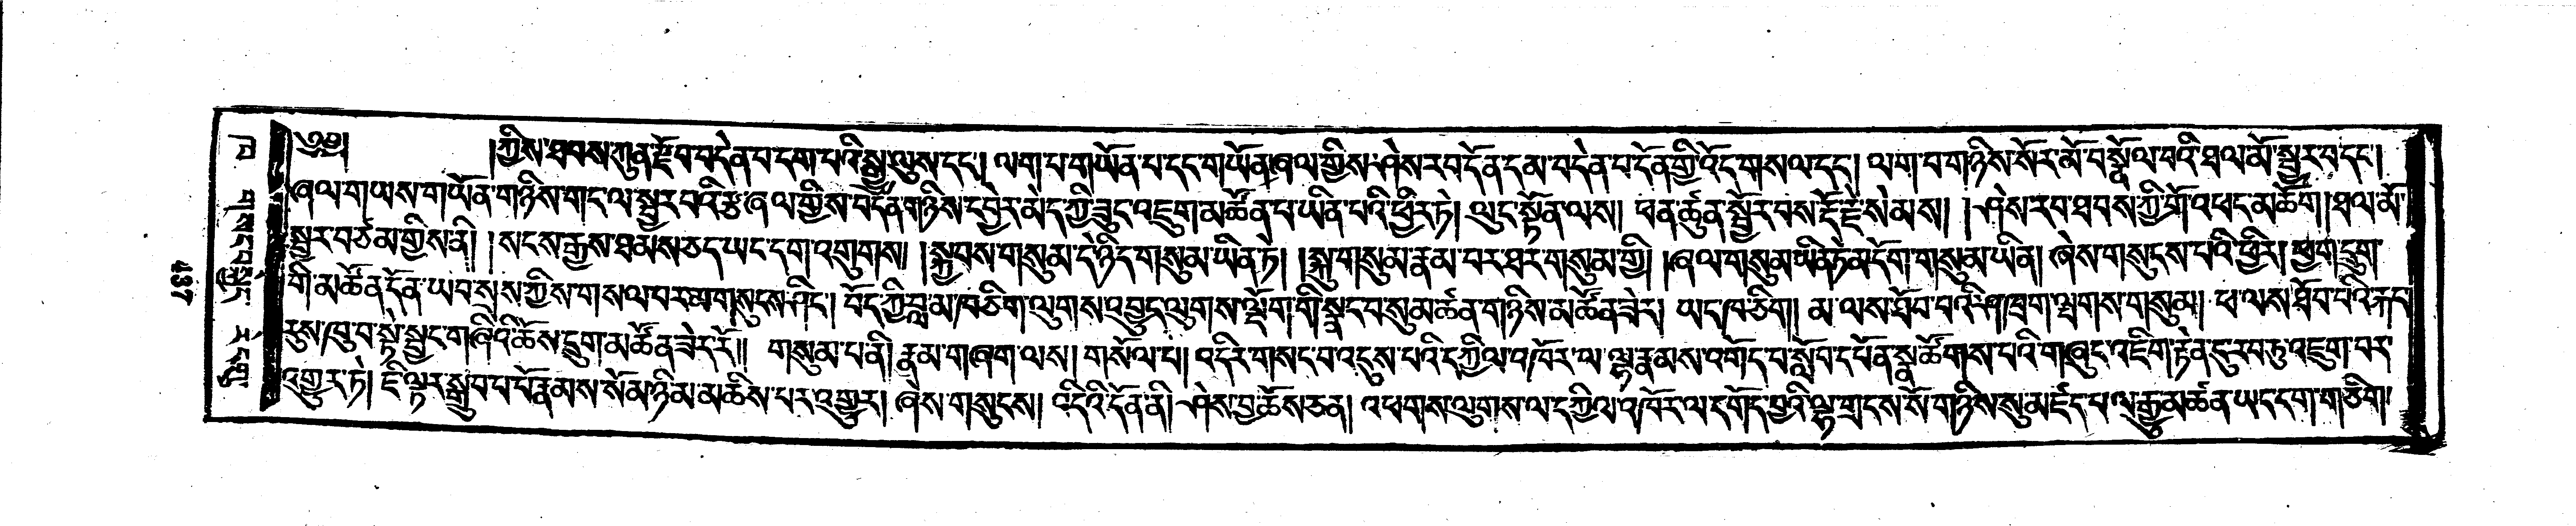༄༅། །ཀྱིས་ཐབས་ཀུན་རྫོབ་བདེན་པ་དག་པའི་སྒྱུ་ལུས་དང་། ལག་པ་གཡོན་པ་དང་གཡོན་ཞལ་གྱིས་ཤེས་རབ་དོན་དམ་བདེན་པ་དོན་གྱི་འོད་གསལ་དང་། ལག་པ་གཉིས་སོར་མོ་བསྣོལ་བའི་ཐལ་མོ་སྦྱར་བ་དང་།
ཞལ་གཡས་གཡོན་གཉིས་གོང་ལ་སྦྱར་བའི་རྩ་ཞལ་གྱིས་བདེན་གཉིས་དབྱེར་མེད་ཀྱི་ཟུང་འཇུག་མཚོན་པ་ཡིན་པའི་ཕྱིར་ཏེ། ལུང་སྟོན་ལས། ཕན་ཚུན་སྦྱོར་བས་རྡོ་རྗེ་སེམས། །ཤེས་རབ་ཐབས་ཀྱི་གོ་འཕང་མཆོག །ཐལ་མོ་
སྦྱར་བ་ཙམ་གྱིས་ནི། །སངས་རྒྱས་ཐམས་ཅད་ཡང་དག་འགུགས། །སྐྱབས་གསུམ་དེ་ཉིད་གསུམ་ཡིན་ཏེ། །སྐུ་གསུམ་རྣམ་པར་ཐར་གསུམ་ཀྱི། །ཞལ་གསུམ་ཡིན་ཏེ་མདོག་གསུམ་ཡིན། ཞེས་གསུངས་པའི་ཕྱིར། ཕྱག་དྲུག་
གི་མཚོན་དོན་ཡབ་སྲས་ཀྱིས་གསལ་བར་མ་གསུངས་ཤིང་། བོད་ཀྱི་བླ་མ་ཁ་ཅིག་ལུགས་འབྱུང་ལུགས་ལྡོག་གི་སྣང་བ་སུམ་ཚན་གཉིས་མཚོན་ཟེར། ཡང་ཁ་ཅིག །མ་ལས་ཐོབ་པའི་ཤ་ཁྲག་ལྤགས་གསུམ། ཕ་ལས་ཐོབ་པའི་རྐང་
རུས་ཁུ་བ་སྟེ་སྦྱང་གཞིའི་ཆོས་དྲུག་མཚོན་ཟེར་རོ། །གསུམ་པ་ནི། རྣམ་གཞག་ལས། གསོལ་བ། འདིར་གསང་བ་འདུས་པའི་དཀྱིལ་འཁོར་ལ་ལྷ་རྣམས་འགོད་པ་སློབ་དཔོན་སྣ་ཚོགས་པའི་གཞུང་འཇིག་རྟེན་དུ་རབ་ཏུ་འཇུག་པས་
འགྱུར་ཏེ། ཇི་ལྟར་སྒྲུབ་པ་པོ་རྣམས་སོམ་ཉི་མ་མཆིས་པར་འགྱུར། ཞེས་གསུངས། འདིའི་དོན་ནི། ཤེས་བྱ་ཆོས་ཅན། འཕགས་ལུགས་ལ་དཀྱིལ་འཁོར་ལ་འགོད་བྱའི་ལྷ་གྲངས་སོ་གཉིས་སུ་མཛད་པ་ལ་རྒྱུ་མཚན་ཡང་དག་གཅིག་